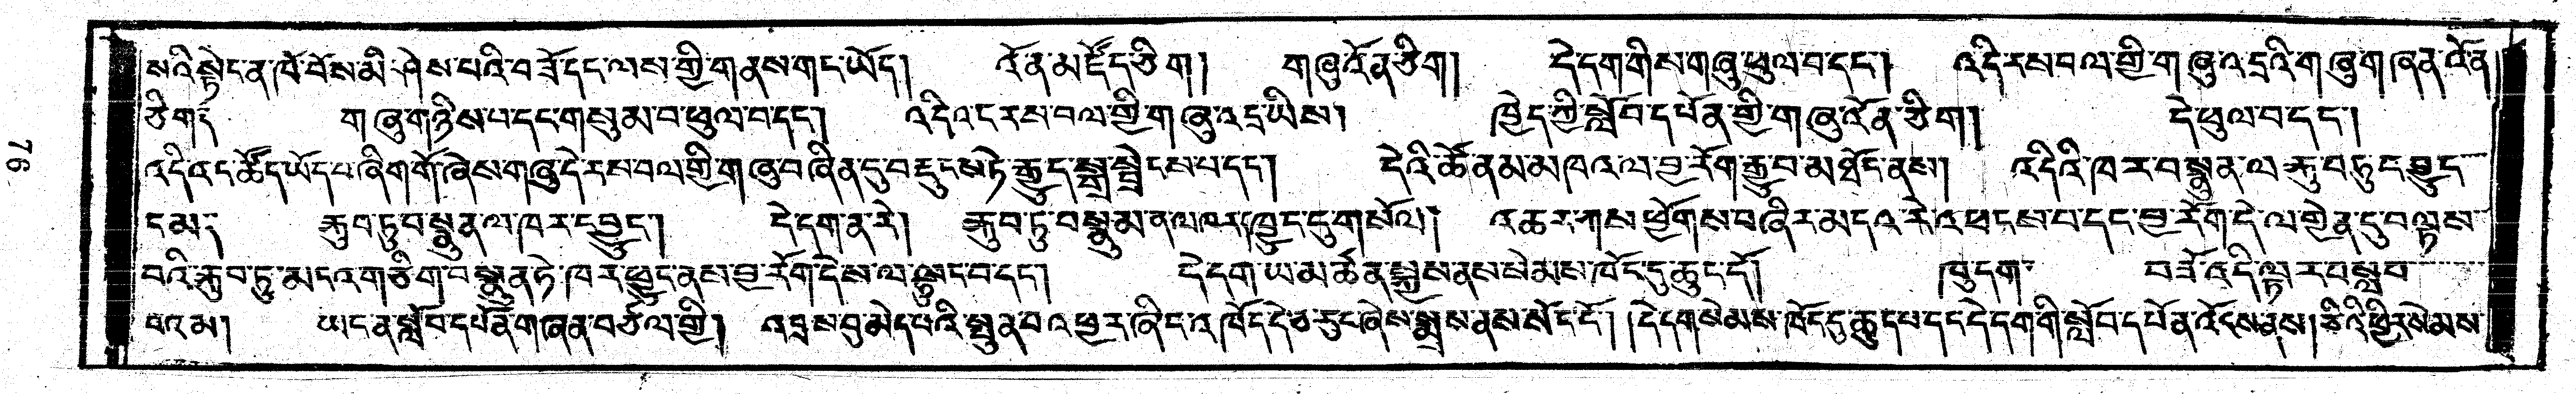སའི་སྟེང་ན་ཁོ་བོས་མི་ཤེས་པའི་བཟོ་དང་ལས་གྱི་གནས་གང་ཡོད། འོ་ན་མཛོད་ཅིག །གཞུ་འོན་ཅིག །དེ་དག་གིས་གཞུ་ཕུལ་བ་དང་། འདི་རས་བལ་གྱི་གཞུ་འདྲའི་གཞུག་ཞན་འོ་ན་
ཅིག ༑གཞུ་གཉིས་པ་དང་གསུམ་བ་ཕུལ་བ་དང་། འདིའང་རས་བལ་གྱི་གཞུ་འདྲ་ཡིས། ཁྱེད་ཀྱི་སློབ་དཔོན་གྱི་གཞུ་འོན་ཅིག །དེ་ཕུལ་བ་དང་།
འདིའང་ཚོད་ཡོད་པ་ཞིག་གོ་ཞེས་གཞུ་དེ་རས་བལ་གྱི་གཞུ་བཞིན་དུ་བརྡུངས་ཏེ་རྒྱུད་སྒྲ་སྦྲེངས་པ་དང་། དེའི་ཚེ་ནམ་མཁའ་ལ་བྱ་རོག་རྒྱུ་བ་མཐོང་ནས། འདིའི་ཁར་བསྣུན་ལ་རྐུ་བཏུང་བྱུང་
ངམ༑ རྐུབ་ཏུ་བསྣུན་ལ་ཁར་དབྱུང་། དེ་དག་ན་རེ། རྐུབ་ཏུ་བསྣུམ་ན་མཁར་དྑྱུང་དུ་གསོལ། འཆར་ཀས་ཕྱོགས་བཞིར་མདའ་རེ་འཕངས་པ་དང་བྱ་རོག་དེ་ལ་གྱེན་དུ་བལྟས་
བའི་རྐུབ་ཏུ་མངའ་གཅིག་བསྣུན་ཏེ་ཁར་ཕྱུང་ནས་བྱ་རོག་དེས་ལ་ལྷུང་བ་དང་། དེ་དག་ཡ་མཚན་སྐྱས་ནས་སེམས་ཁོང་དུ་ཆུང་དོ། ཁུ་དག་བཟོ་འདི་ལྟར་བསླབ་
བའམ། ཡང་ན་སློབ་དཔོན་གཞན་བཙལ་གྱི། འབྲས་བུ་མེད་པའི་སྤུན་པ་འཕྱར་ཞིང་འཁོད་དེ་ཅ་རུང་ཞེས་སྨྲས་ནས་སོང་ངོ། །དེ་དག་སེམས་ཁོང་དུ་ཆུད་པ་དང་དེ་དག་གི་སློབ་དཔོན་འོངས་ནས། ཅིའི་ཕྱིར་སེམས་